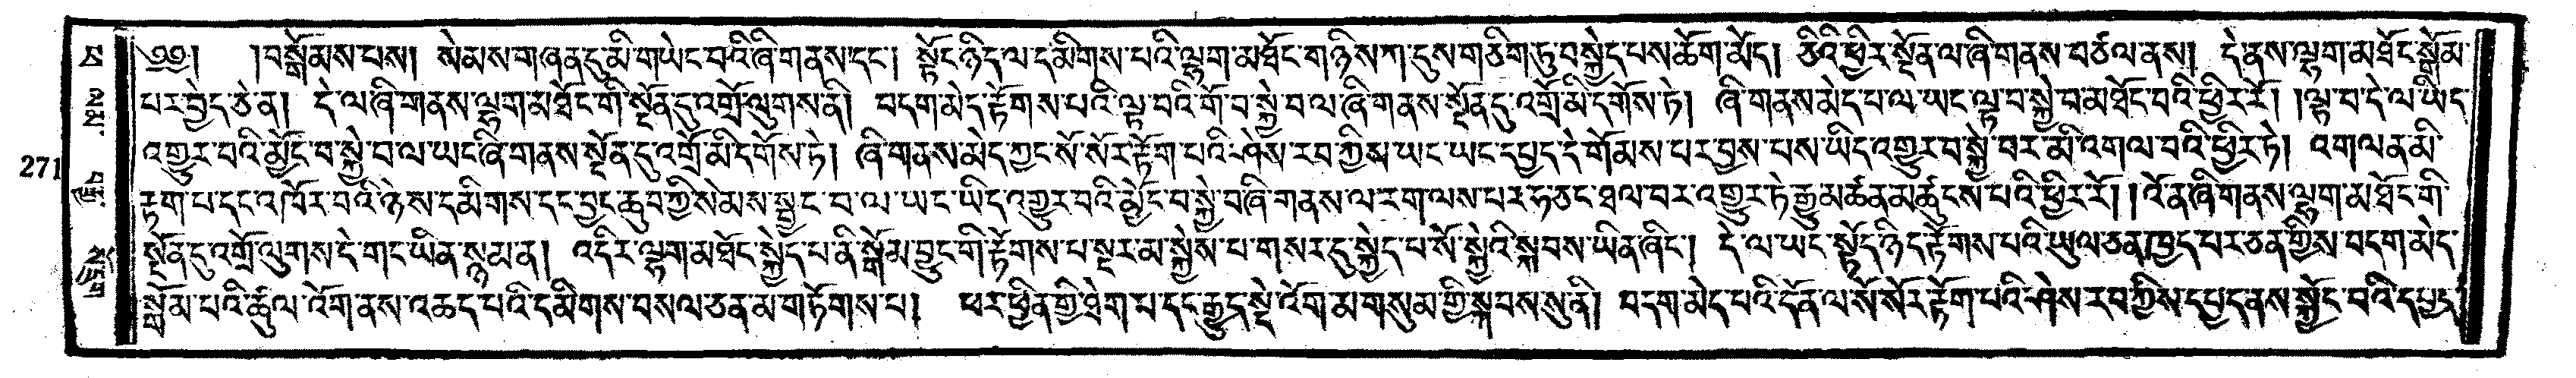༄༅། །བསྒོམས་པས། སེམས་གཞན་དུ་མི་གཡེང་བའི་ཞི་གནས་དང་། སྟོང་ཉིད་ལ་དམིགས་པའི་ལྷག་མཐོང་གཉིས་ཀ་དུས་གཅིག་ཏུ་བསྐྱེད་པས་ཆོག་མོད། ཅིའི་ཕྱིར་སྔོན་ལ་ཞི་གནས་བཙལ་ནས། དེ་ནས་ལྷག་མཐོང་སྒོམ་
པར་བྱེད་ཅེ་ན། དེ་ལ་ཞི་གནས་ལྷག་མཐོང་གི་སྔོན་དུ་འགྲོ་ལུགས་ནི། བདག་མེད་རྟོགས་པའི་ལྟ་བའི་གོ་བ་སྐྱེ་བ་ལ་ཞི་གནས་སྔོན་དུ་འགྲོ་མི་དགོས་ཏེ། ཞི་གནས་མེད་པ་ལ་ཡང་ལྟ་བ་སྐྱེ་བ་མཐོང་བའི་ཕྱིར་རོ། །ལྟ་བ་དེ་ལ་ཡིད་
འགྱུར་བའི་མྱོང་བ་སྐྱེ་བ་ལ་ཡང་ཞི་གནས་སྔོན་དུ་འགྲོ་མི་དགོས་ཏེ། ཞི་གནས་མེད་ཀྱང་སོ་སོར་རྟོག་པའི་ཤེས་རབ་ཀྱིས་ཡང་ཡང་དཔྱད་དེ་གོམས་པར་བྱས་པས་ཡིད་འགྱུར་བ་སྐྱེ་བར་མི་འགལ་བའི་ཕྱིར་ཏེ། འགལ་ན་མི་
རྟག་པ་དང་འཁོར་བའི་ཉེས་དམིགས་དང་བྱང་ཆུབ་ཀྱི་སེམས་སྦྱང་བ་ལ་ཡང་ཡིད་འགྱུར་བའི་མྱོང་བ་སྐྱེ་བ་ཞི་གནས་ལ་རག་ལས་པར་ཧ་ཅང་ཐལ་བར་འགྱུར་ཏེ་རྒྱུ་མཚན་མཚུངས་པའི་ཕྱིར་རོ། །འོ་ན་ཞི་གནས་ལྷག་མཐོང་གི་
སྔོན་དུ་འགྲོ་ལུགས་དེ་གང་ཡིན་སྙམ་ན། འདིར་ལྷག་མཐོང་སྐྱེད་པ་ནི་སྒོམ་བྱུང་གི་རྟོགས་པ་སྔར་མ་སྐྱེས་པ་གསར་དུ་སྐྱེད་པ་སོ་སྐྱེའི་སྐབས་ཡིན་ཞིང་། དེ་ལ་ཡང་སྟོད་ཉིད་རྟོགས་པའི་ཡུལ་ཅན་ཁྱད་པར་ཅན་གྱིས་བདག་མེད་
སྒོམ་པའི་ཚུལ་འོག་ནས་འཆད་པའི་དམིགས་བསལ་ཅན་མ་གཏོགས་པ། ཕར་ཕྱིན་གྱི་ཐེག་པ་དང་རྒྱུད་སྡེ་འོག་མ་གསུམ་གྱི་སྐབས་སུ་ནི། བདག་མེད་པའི་དོན་ལ་སོ་སོར་རྟོག་པའི་ཤེས་རབ་ཀྱིས་དཔྱད་ནས་སྐྱོང་བའི་དཔྱད་